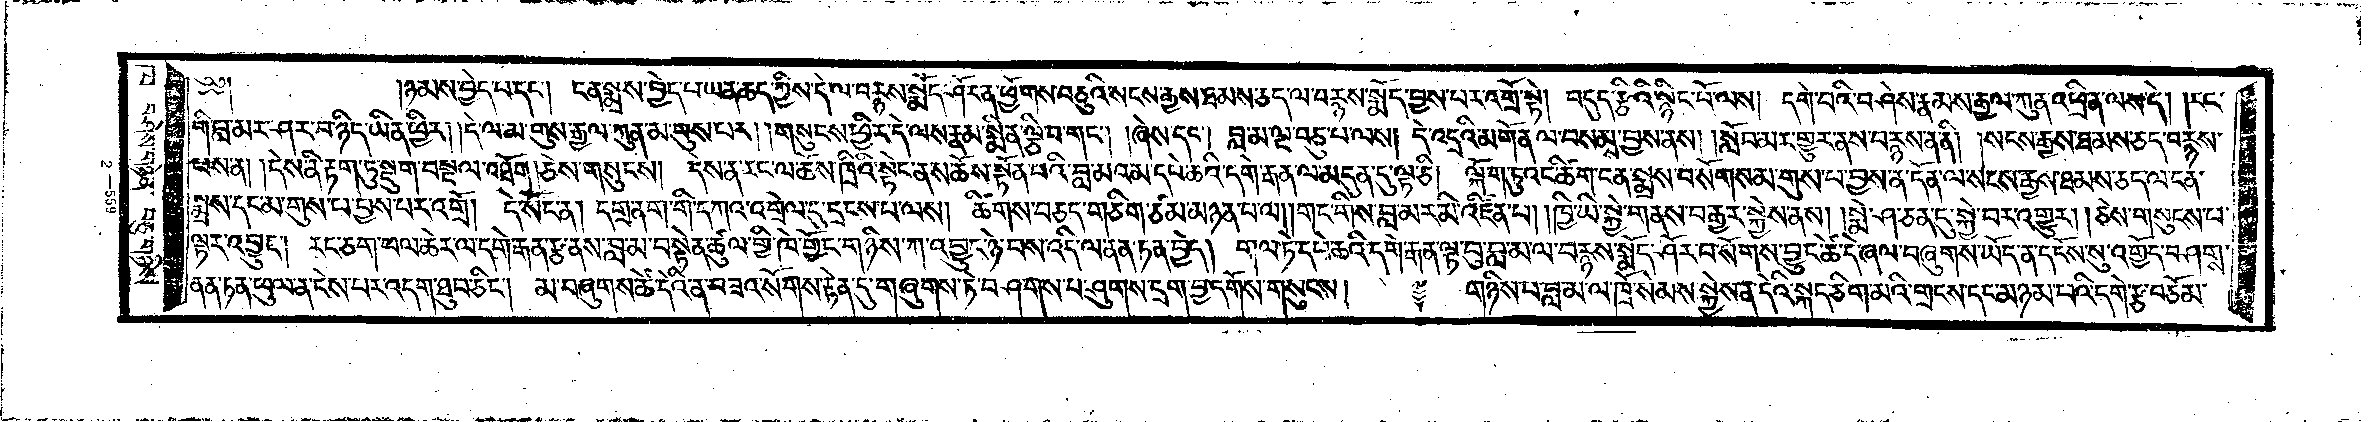༄༅། །ཉམས་བྱེད་པ་དང་། ངན་སྨྲས་བྱེད་པ་ཡན་ཆད་ཀྱིས་དེ་ལ་བརྙས་སྨོད་ཤོར་ན་ཕྱོགས་བཅུའི་སངས་རྒྱས་ཐམས་ཅད་ལ་བརྙས་སྨོད་བྱས་པར་འགྲོ་སྟེ། བདུད་རྩིའི་སྙིང་པོ་ལས། དགེ་བའི་བཤེས་རྣམས་རྒྱལ་ཀུན་འཕྲིན་ལས་དེ། །རང་
གི་བླ་མར་ཤར་བ་ཉིད་ཡིན་ཕྱིར། །དེ་ལ་མ་གུས་རྒྱལ་ཀུན་མ་གུས་པར། །གསུངས་ཕྱིར་དེ་ལས་རྣམ་སྨིན་ལྕི་བ་གང་། །ཞེས་དང་། བླ་མ་ལྔ་བཅུ་པ་ལས། དེ་འདྲའི་མགོན་ལ་བསམས་བྱས་ནས། །སློབ་མར་གྱུར་ནས་བརྙས་ན་ནི། །སངས་རྒྱས་ཐམས་ཅད་བརྙས་
པས་ན། །དེས་ནི་རྟག་ཏུ་སྡུག་བསྔལ་འཐོག །ཅེས་གསུངས། དེས་ན་རང་ལ་ཆོས་ཁྲིའི་སྟེང་ནས་ཆོས་སྟོན་པའི་བླ་མའམ་དཔེ་ཆའི་དགེ་རྒན་ལ་མདུན་དུ་ལྟ་ཅི། ལྐོག་ཏུའང་ཚིག་ངན་སྨྲས་བ་སོགས་མ་གུས་པ་བྱས་ན་དོན་ལ་སངས་རྒྱས་ཐམས་ཅད་ལ་ངན་
སྨྲས་དང་མ་གུས་པ་བྱས་པར་འགྲོ། དེ་སོང་ན། དགྲ་ནག་གི་དཀའ་འགྲེལ་དུ་དྲངས་པ་ལས། ཚིགས་བཅད་གཅིག་ཙམ་མཉན་པ་ལ། །གང་གིས་བླ་མར་མི་འཛིན་པ། །ཁྱི་ཡི་སྐྱེ་གནས་བརྒྱར་སྐྱེས་ནས། །སྨེ་ཤ་ཅན་དུ་སྐྱེ་བར་འགྱུར། །ཅེས་གསུངས་པ་
ལྟར་འབྱུང་། རང་ཅག་ཕལ་ཆེར་ལ་དགེ་རྒན་རྩ་ནས་བླ་མ་བསྟེན་ཚུལ་གྱི་ཁེ་གྱོང་གཉིས་ཀ་འབྱུང་ཉེ་བས་འདི་ལ་ནན་ཏན་བྱེད། གལ་ཏེ་དཔེ་ཆའི་དགེ་རྒྱན་ལྟ་བུ་བླ་མ་ལ་བརྙས་སྨོད་ཤོར་བ་སོགས་བྱུང་ཚེ་དེ་ཞལ་བཞུགས་ཡོད་ན་དངོས་སུ་འགྱོད་བཤགས་
ནན་ཏན་ཕུལ་ན་ངེས་པར་འདག་ཐུབ་ཅིང་། མ་བཞུགས་ཚེ་དེའི་ན་བཟའ་སོགས་རྟེན་དུ་གཞུགས་ཏེ་བཤགས་པ་ཤུགས་དྲག་བྱ་དགོས་གསུངས། ༈ གཉིས་པ་བླ་མ་ལ་ཁྲོ་སེམས་སྐྱེས་ན་དེའི་སྐད་ཅིག་མའི་གྲངས་དང་མཉམ་པའི་དགེ་རྩ་བཅོམ་